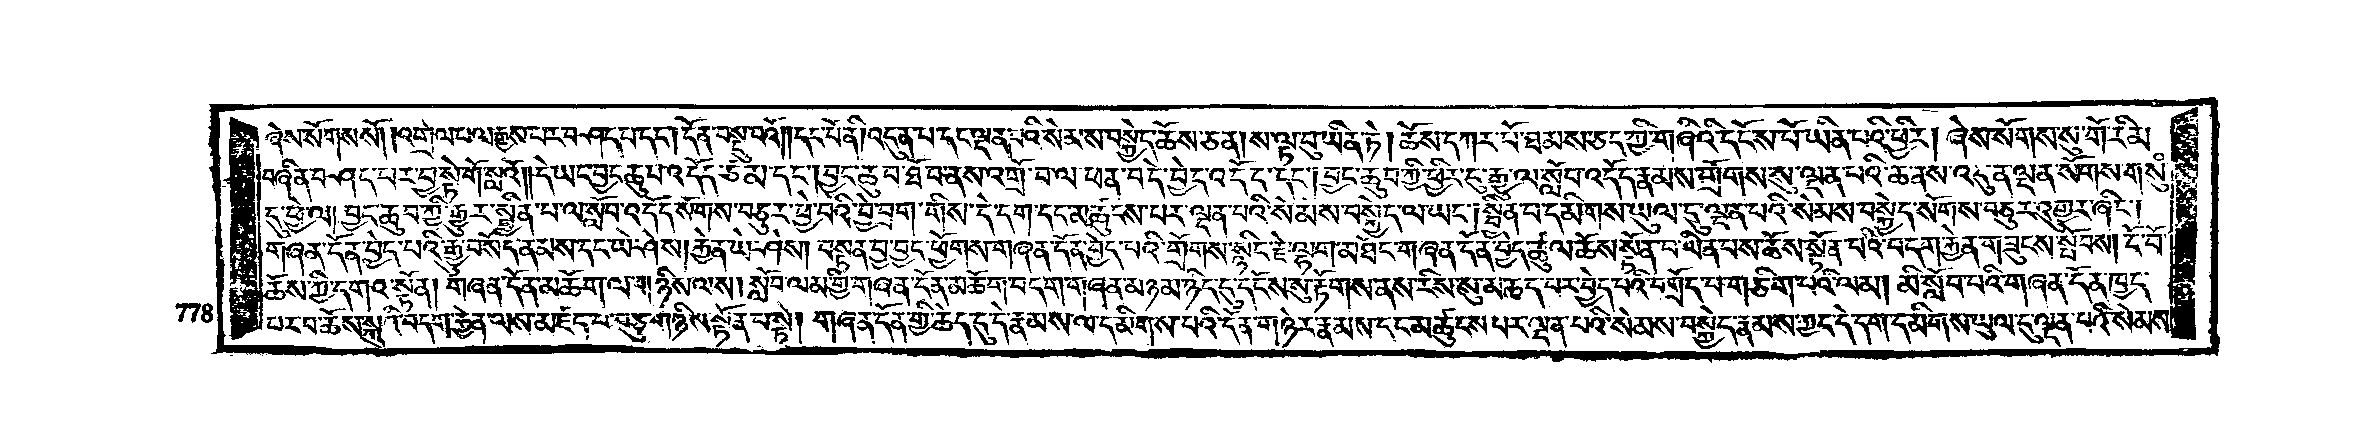ཞེས་སོགས་སོ། །འགྲེལ་བ་ལ་རྒྱས་པར་བཤད་པ་དང་། དོན་བསྡུ་བའོ། །དང་པོ་ནི། འདུན་པ་དང་ལྡན་པའི་སེམས་བསྐྱེད་ཆོས་ཅན། ས་ལྟ་བུ་ཡིན་ཏེ། ཆོས་དཀར་པོ་ཐམས་ཅད་ཀྱི་གཞིའི་དངོས་པོ་ཡིན་པའི་ཕྱིར། ཞེས་སོགས་སུ་གོ་རིམ་
བཞིན་བཤད་པར་བྱ་སྟེ་གོ་སླའོ། །དེ་ཡང་བྱང་ཆུབ་འདོད་ཙམ་དང་། བྱང་ཆུབ་ཐོབ་ནས་འགྲོ་བ་ལ་ཕན་བདེ་བྱེད་འདོད་དང་། བྱང་ཆུབ་ཀྱི་ཕྱིར་དུ་རྒྱུ་ལ་སློབ་འདོད་རྣམས་གྲོགས་སུ་ལྡན་པའི་ཆ་ནས་འདུན་ལྡན་སོགས་གསུམ་
དུ་ཕྱེ་ལ། བྱང་ཆུབ་ཀྱི་རྒྱུར་སྦྱིན་པ་ལ་སློབ་འདོད་སོགས་བཅུར་ཕྱེ་བའི་བྱེ་བྲག་གིས་དེ་དག་དང་མཚུངས་པར་ལྡན་པའི་སེམས་བསྐྱེད་ལ་ཡང་། སྦྱིན་པ་དམིགས་ཡུལ་དུ་ལྡན་པའི་སེམས་བསྐྱེད་སོགས་བཅུར་འགྱུར་ཞིང་།
གཞན་དོན་བྱེད་པའི་རྒྱུ་བསོད་ནམས་དང་ཡེ་ཤེས། རྐྱེན་ཡེ་ཤེས། བསྟན་བྱ་བྱང་ཕྱོགས་གཞན་དོན་བྱེད་པའི་གྲོགས་སྙིང་རྗེ་ལྷག་མཐོང་གཞན་དོན་བྱེད་ཚུལ་ཆོས་སྟོན་པ་ཡིན་པས་ཆོས་སྟོན་པའི་བདག་རྐྱེན་གཟུངས་སྤོབས། ངོ་བོ་
ཆོས་ཀྱི་དགའ་སྟོན། གཞན་དོན་མཆོག་ལ་གཉིས་ལས། སློབ་ལམ་གྱི་གཞན་དོན་མཆོག་བདག་གཞན་མཉམ་ཉིད་དུ་དངོས་སུ་རྟོགས་ནས་རིས་སུ་མ་ཆད་པར་བྱེད་པའི་བགྲོད་པ་གཅིག་པའི་ལམ། མི་སློབ་པའི་གཞན་དོན་ཁྱད་
པར་བ་ཆོས་སྐུའི་བདག་རྐྱེན་ལས་མཛད་པ་བཅུ་གཉིས་སྟོན་པ་སྟེ། གཞན་དོན་གྱི་ཆེད་དུ་དེ་རྣམས་ལ་དམིགས་པའི་དོན་གཉེར་རྣམས་དང་མཚུངས་པར་ལྡན་པའི་སེམས་བསྐྱེད་རྣམས་ཀྱང་དེ་དག་དམིགས་ཡུལ་དུ་ལྡན་པའི་སེམས་